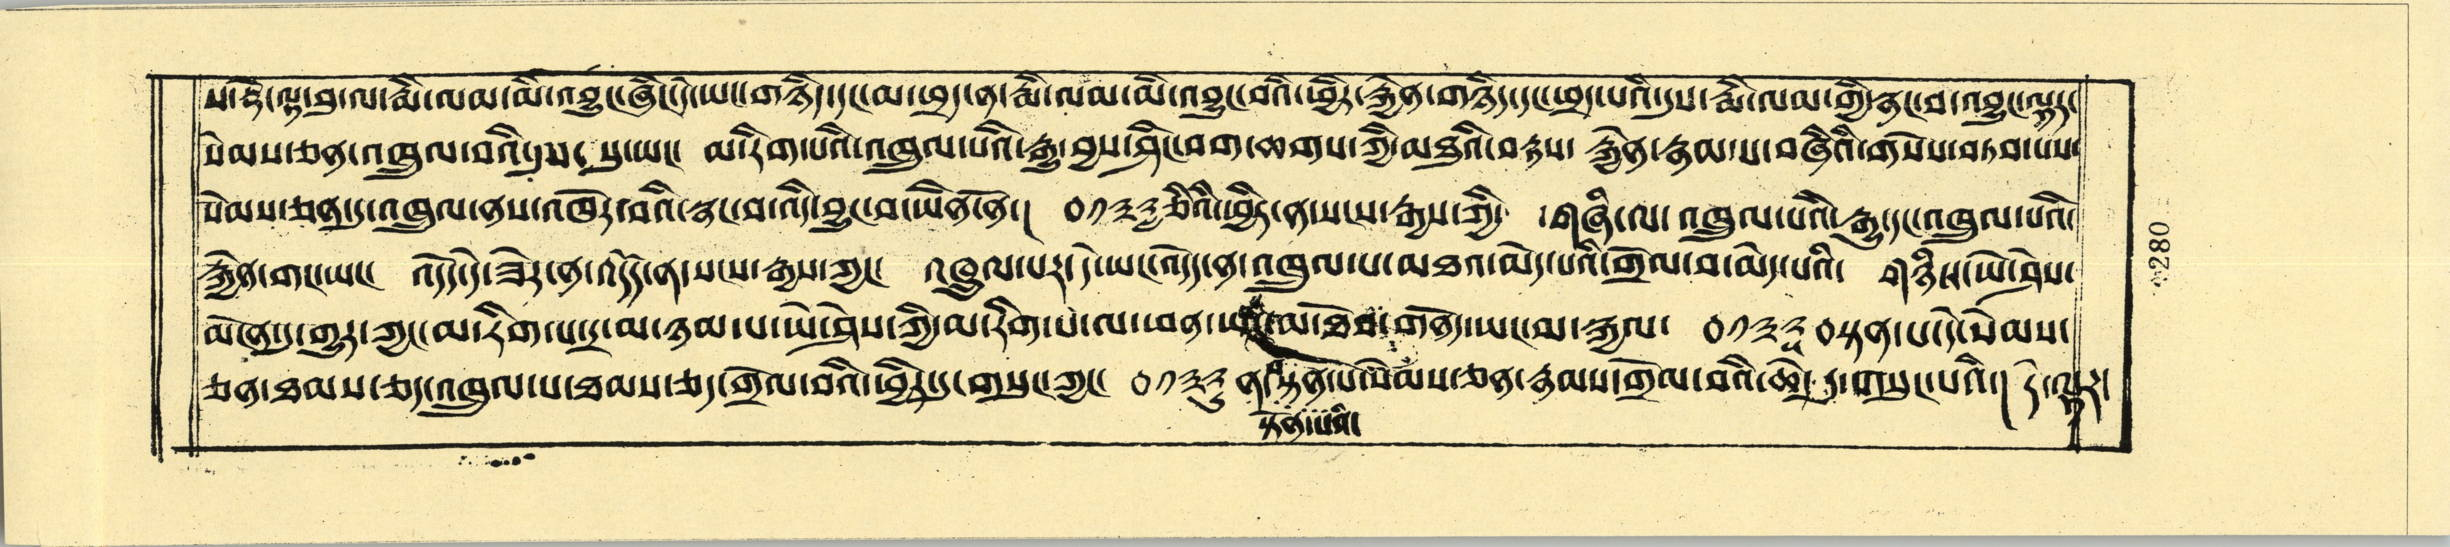ས་རྡོ་ལྟ་བུ་ལ་རྨི་ལམ་མི་འབྱུང་ཞིང་དེ་ཡང་གཉིད་དང་མ་ཕྲད་ན་རྨི་ལམ་མི་འབྱུང་བའི་ཕྱིར་རྐྱེན་གཉིད་དང་ཕྲད་པའི་དུས་རྨི་ལམ་གྱི་སྣང་བ་འབྱུང་ལྟར་
སེམས་ཅན་འཁྲུལ་བའི་དུས་སུ་ཡང། མ་རིག་པའི་འཁྲུལ་པའི་རྒྱུ་བྱས་ཤིང་བག་ཆགས་ཀྱི་མཐུའི་བརྟས། རྐྱེན་རྣམ་པ་བཞིའི་གསོས་བཏབ་པས་
སེམས་ཅན་དུ་འཁྲུལ་ནས་འཁོར་བའི་སྣང་བ་འདི་བྱུང་བ་ཡིན་ནོ། བ༡༣༢།༤ ཅིའི་ཕྱིར་ན་སངས་རྒྱས་ཀྱི་ གཞི་ལ་འཁྲུལ་པའི་རྒྱུ་དང་འཁྲུལ་པའི་
རྐྱེན་གང་ཡང། འདོད་དེ་ཟེར་ན་འདོད་ན་སངས་རྒྱས་ཀྱང་ འཁྲུལ་པར་དེ་ཡང་འདོད་ན་འཁྲུལ་པ་མཐའ་མེད་པའི་གྲོལ་བ་མེད་པའི། གཉིས་ཡེ་ཤེས་
མངོན་དུ་གྱུར་ཀྱང་མ་རིག་པ་དྲ་མ་ཉམ་པ་ཡེ་ཤེས་ཀྱི་མ་རིག་པ་ལ་ཕན་ཡང་མ་ཐོབ་གནོད་ཡང་མ་སྐྱལ་ བ༡༣༢།༥ བསྟན་པ་དེ་སེམས་
ཅན་ཐམས་ཅད་འཁྲུལ་པ་ཐམས་ཅད་གྲོལ་བའི་ཕྱིར་དུ་གསུང་ཀྱང་ བ༡༣༢།༦ ན་སྟོན་པའི་བསྟན་པ་སེམས་ཅན་རྣམས་གྲོལ་བའི་ཆེད་དུ་གསུང་པའི། དེ་ལྟར་